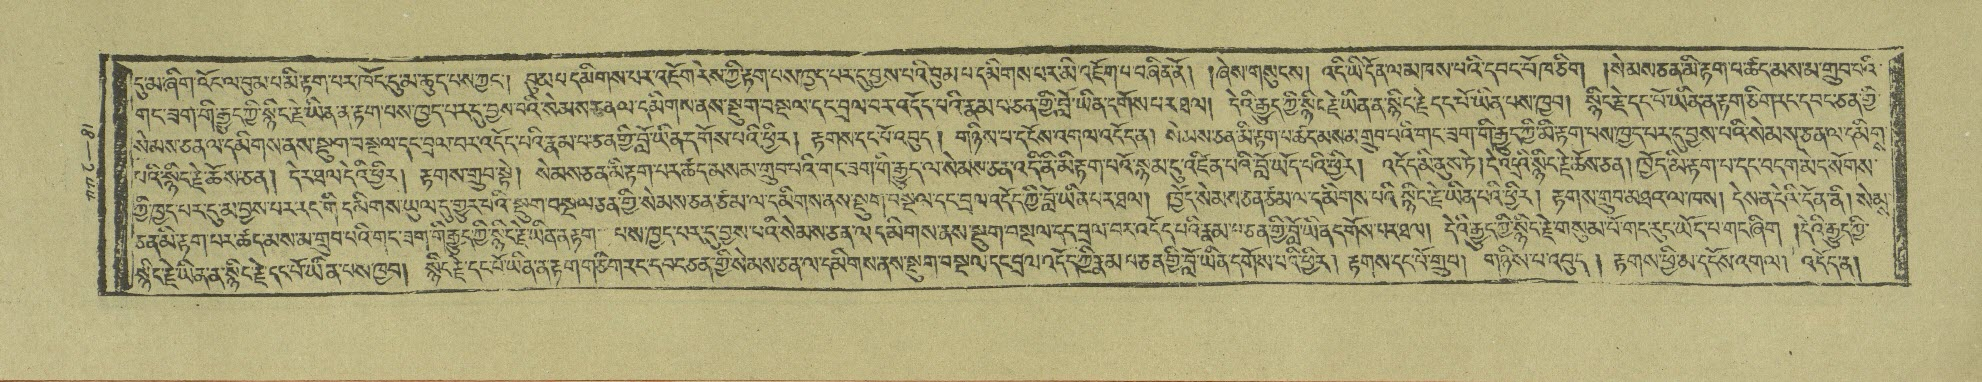དུ་མ་ཞིག་འོང་ལ་བུམ་པ་མི་རྟག་པར་ཁོང་དུ་མ་ཆུད་པས་ཀྱང་། བུམ་པ་དམིགས་པར་འཇོག་རེས་ཀྱི་རྟག་པས་ཁྱད་པར་དུ་བྱས་པའི་བུམ་པ་དམིགས་པར་མི་འཇོག་པ་བཞིན་ནོ། །ཞེས་གསུངས། འདི་ཡི་དོན་ལ་མཁས་པའི་དབང་པོ་ཁ་ཅིག །སེམས་ཅན་མི་རྟག་པ་ཚད་མས་མ་གྲུབ་པའི་
གང་ཟག་གི་རྒྱུད་ཀྱི་སྙིང་རྗེ་ཡིན་ན་རྟག་པས་ཁྱད་པར་དུ་བྱས་པའི་སེམས་ཅན་ལ་དམིགས་ནས་སྡུག་བསྔལ་དང་བྲལ་བར་འདོད་པའི་རྣམ་པ་ཅན་གྱི་བླེ་ཡིན་དགོས་པར་ཐལ། དེའི་རྒྱུད་ཀྱི་སྙིང་རྗེ་ཡིན་ན་སྙིང་རྗེ་དང་པོ་ཡིན་པས་ཁྱབ། སྙིང་རྗེ་དང་པོ་ཡིན་ན་རྟག་ཅིག་རང་དབང་ཅན་གྱི་
སེམས་ཅན་ལ་དམིགས་ནས་སྡུག་བསྔལ་དང་བྲལ་བར་འདོད་པའི་རྣམ་པ་ཅན་གྱི་བློ་ཡིན་དགོས་པའི་ཕྱིར། རྟགས་དང་པོ་འབུད། གཉིས་པ་དངོས་འགལ་འདོད་ན། སེམས་ཅན་མི་རྟག་པ་ཚད་མས་མ་གྲུབ་པའི་གང་ཟག་གི་རྒྱུད་ཀྱི་མི་རྟག་པས་ཁྱད་པར་དུ་བྱས་པའི་སེམས་ཅན་ལ་དམིགས་
པའི་སྙིང་རྗེ་ཆོས་ཅན། དེར་ཐལ་དེའི་ཕྱིར། རྟགས་གྲུབ་སྟེ། སེམས་ཅན་མི་རྟག་པར་ཚད་མས་མ་གྲུབ་པའི་གང་ཟག་གི་རྒྱུད་ལ་སེམས་ཅན་འདི་ནི་མི་རྟག་པའོ་སྙམ་དུ་འཛིན་པའི་བློ་ཡོད་པའི་ཕྱིར། འདོད་མི་ནུས་ཏེ། དེ་འདྲའི་སྙིང་རྗེ་ཆོས་ཅན། ཁྱོད་མི་རྟག་པ་དང་བདག་མེད་སོགས་
ཀྱི་ཁྱད་པར་དུ་མ་བྱས་པར་རང་གི་དམིགས་ཡུལ་དུ་གྱུར་པའི་སྡུག་བསྔལ་ཅན་གྱི་སེམས་ཅན་ཙམ་ལ་དམིགས་ནས་སྡུག་བསྔལ་དང་བྲལ་འདོད་ཀྱི་བློ་ཡིན་པར་ཐལ། ཁྱོད་སེམས་ཅན་ཙམ་ལ་དམིགས་པའི་སྙིང་རྗེ་ཡིན་པའི་ཕྱིར། རྟགས་གྲུབ་མཐའ་ལ་ཁས། དེས་ན་དེའི་དོན་ནི། སེམས་
ཅན་མི་རྟག་པར་ཚད་མས་མ་གྲུབ་པའི་གང་ཟག་གི་རྒྱུད་ཀྱི་སྙིང་རྗེ་ཡིན་ན་རྟག་པས་ཁྱད་པར་དུ་བྱས་པའི་སེམས་ཅན་ལ་དམིགས་ནས་སྡུག་བསྔལ་དང་བྲལ་བར་འདོད་པའི་རྣམ་པ་ཅན་གྱི་བློ་ཡིན་དགོས་པར་ཐལ། དེའི་རྒྱུད་ཀྱི་སྙིང་རྗེ་གསུམ་པོ་གང་རུང་ཡོད་པ་གང་ཞིག །དེའི་རྒྱུད་ཀྱི་
སྙིང་རྗེ་ཡིན་ན་སྙིང་རྗེ་དང་པོ་ཡིན་པས་ཁྱབ། སྙིང་རྗེ་དང་པོ་ཡིན་ན་རྟག་གཅིག་རང་དབང་ཅན་གྱི་སེམས་ཅན་ལ་དམིགས་ནས་སྡུག་བསྔལ་དང་བྲལ་འདོད་ཀྱི་རྣམ་པ་ཅན་གྱི་བློ་ཡིན་དགོས་པའི་ཕྱིར། རྟགས་དང་པོ་གྲུབ། གཉིས་པ་འབུད། རྟགས་ཕྱི་མ་དངོས་འགལ། འདོད་ན།